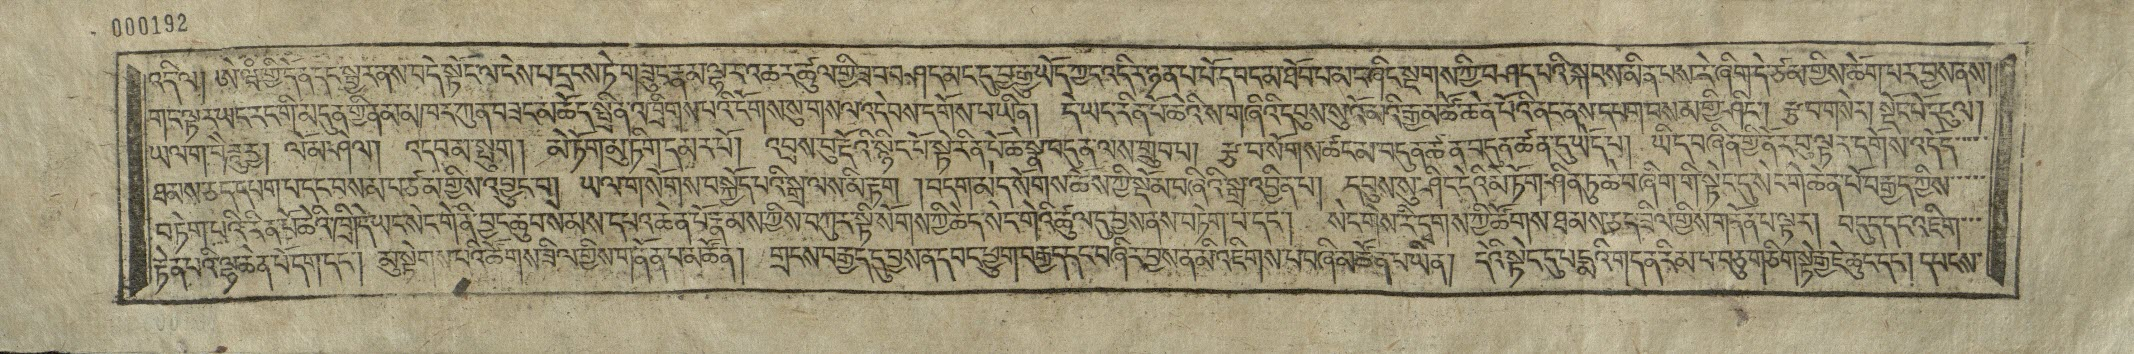འདི་ལ། ཨེ་ཝཾ་གྱི་དོན་དང་སྦྱར་ནས་བདེ་སྟོང་ལ་ངེས་པ་དྲངས་ཏེ་གཟུང་རྣམ་ལྷར་འཆར་ཚུལ་གྱི་ཟབ་བཤད་མང་དུ་བྱ་རྒྱུ་ཡོད་ཀྱང་འདིར་ཉན་པ་པོ་དབང་མ་ཐོབ་པ་མང་ཞིང་སྔགས་ཀྱི་བཤད་པའི་སྐབས་མིན་པས་རེ་ཞིག་དེ་ཙམ་གྱིས་ཆོག་པར་བྱས་ནས།
གང་ལྟར་ཡང་རང་གི་མདུན་གྱི་ནམ་མཁར་ཀུན་བཟང་མཆོད་སྤྲིན་འཁྲིགས་པའི་ངོགས་སུ་གསལ་འདེབས་དགོས་པ་ཡིན། དེ་ཡང་རིན་པོ་ཆེའི་ས་གཞིའི་དབུས་སུ་འོ་མའི་རྒྱ་མཚོ་ཆེན་པོའི་ནང་ནས་དཔག་བསམ་གྱི་ཤིང་། རྩ་བ་གསེར། སྡོང་པོ་དངུལ།
ཡལ་ག་བཻཌཱུརྱ། ལོ་མ་ཤེལ། འདབ་མ་སྤུག །མེ་ཏོག་མུ་ཏིག་དམར་པོ། འབྲས་བུ་རྡོའི་སྙིང་པོ་སྟེ་རིན་པོ་ཆེ་སྣ་བདུན་ལས་གྲུབ་པ། རྩ་བ་སོགས་ཚང་མ་བདུན་ཚན་བདུན་ཚན་དུ་ཡོད་པ། ཡིད་བཞིན་གྱི་ནོར་བུ་ལྟར་དགོས་འདོད་
ཐམས་ཅད་དཔག་པ་དང་བསམ་པ་ཙམ་གྱིས་འབྱུང་བ། ཡལ་ག་སོགས་བསྐྱོད་པའི་སྒྲ་ལས་མི་རྟག །བདག་མེད་སོགས་ཆོས་ཀྱི་སྡོམ་བཞིའི་སྒྲ་འབྱིན་པ། དབུས་སུ་ཤིང་དེའི་མེ་ཏོག་ཤིན་ཏུ་ཆེ་བ་ཞིག་གི་སྟེང་དུ་སེང་གེ་ཆེན་པོ་བརྒྱད་ཀྱིས་
བཏེག་པའི་རིན་པོ་ཆེའི་ཁྲི། དེ་ཡང་སེང་གེ་ནི་བྱང་ཆུབ་སེམས་དཔའ་ཆེན་པོ་རྣམས་ཀྱིས་བཀུར་སྟི་སོགས་ཀྱི་ཆེད་སེང་གེའི་ཚུལ་དུ་བྱས་ནས་བཏེག་པ་དང་། སེང་གེས་རི་དྭགས་ཀྱི་ཚོགས་ཐམས་ཅད་ཟིལ་གྱིས་གནོན་པ་ལྟར། བདུད་དང་འཇིག་
རྟེན་པའི་ལྷ་ཆེན་པོ་དག་དང་། མུ་སྟེགས་པའི་ཚོགས་ཟིལ་གྱིས་གནོན་པ་མཚོན། གྲངས་བརྒྱད་དུ་བྱས་ན་དབང་ཕྱུག་བརྒྱད་དང་བཞིར་བྱས་ན་མི་འཇིགས་པ་བཞི་མཚོན་པ་ཡིན། དེའི་སྟེང་དུ་པདམའི་གདན་རིམ་པ་བཅུ་གཅིག་སྟེ་རྒྱ་ཇེ་ཆུང་དང་། དཔངས་